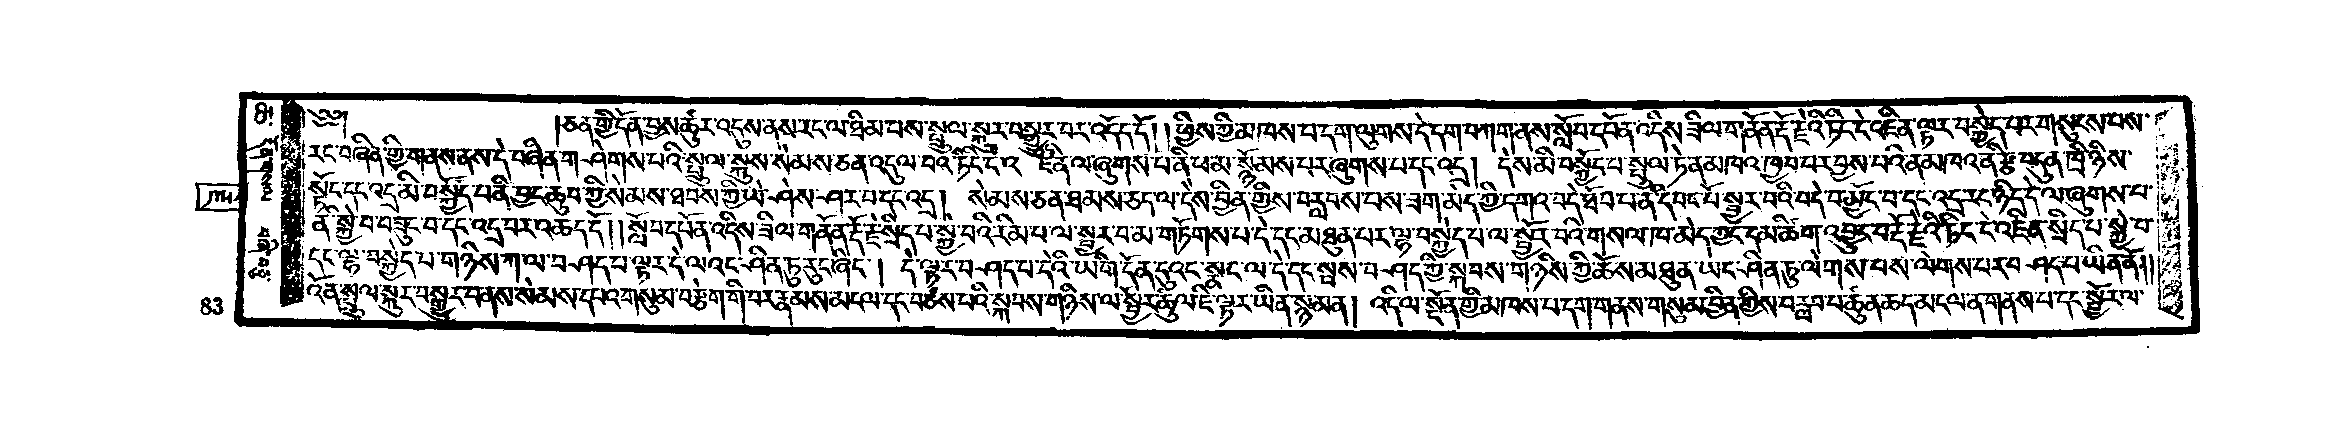༄༅། །ཅན་གྱི་དོན་བྱས་ཚུར་འདུས་ནས་རང་ལ་ཐིམ་པས་སྤྲུལ་སྐུར་བསྒྱུར་བར་འདོད་དོ། །ཕྱིས་ཀྱི་མཁས་པ་དག་ལུགས་དེ་དག་བཀག་ནས་སློབ་དཔོན་འདིས་ཟིལ་གནོན་རྡོ་རྗེའི་ཏིང་ངེ་འཛིན་ལྟར་བསྐྱེད་པར་གསུངས་པས་
རང་བཞིན་གྱི་གནས་ནས་དེ་བཞིན་གཤེགས་པའི་སྤྲུལ་སྐུས་སེམས་ཅན་འདུལ་བའི་ཏིང་ངེ་འཛིན་ལ་ཞུགས་པ་ནི་ཕ་མ་སྙོམས་པར་ཞུགས་པ་དང་འདྲ། དེས་མི་བསྐྱོད་པ་སྤྲུལ་ཏེ་ནམ་མཁའ་ཁྱབ་པར་བྱས་པའི་ནམ་མཁའ་ནི་རྩ་བདུན་ཁྲི་ཉིས་
སྟོང་དང་འདྲ་མི་བསྐྱོད་པ་ནི་བྱང་ཆུབ་ཀྱི་སེམས་ཐབས་ཀྱི་ཡེ་ཤེས་ཤར་བ་དང་འདྲ། སེམས་ཅན་ཐམས་ཅད་ལ་དེས་བྱིན་གྱིས་བརླབས་པས་ཟག་མེད་ཀྱི་དགའ་བདེ་ཐོབ་པ་ནི་དབང་པོ་སྦྱར་བའི་བདེ་བ་མྱོང་བ་དང་འདྲ་རང་ཉིད་དེ་ལ་ཞུགས་པ་
ནི་སྐྱེ་བ་བཟུང་བ་དང་འདྲ་བར་འཆད་དོ། །སློབ་དཔོན་འདིས་ཟིལ་གནོན་རྡོ་རྗེ་སྲིད་པ་སྐྱེ་བའི་རིམ་པ་ལ་སྦྱར་བ་མ་གཏོགས་པ་དེ་དང་མཐུན་པར་ལྷ་བསྐྱེད་པ་ལ་སྦྱོར་བའི་གསལ་ཁ་མེད་ཀྱང་དམ་ཚིག་འབྱུང་བ་རྡོ་རྗེའི་ཏིང་ངེ་འཛིན་སྲིད་པ་སྐྱེ་བ་
དང་ལྷ་བསྐྱེད་པ་གཉིས་ཀ་ལ་བཤད་པ་ལྟར་དེ་ལའང་ཤིན་ཏུ་རུང་ཞིང་། དེ་ལྟར་བཤད་པ་དེའི་ཡི་གེ་དོན་དུའང་སྣང་ལ་དེ་དང་སྦས་བཤད་ཀྱི་སྐབས་གཉིས་ཀྱི་ཆོས་མཐུན་ཡང་ཤིན་ཏུ་ལེགས་པས་ལེགས་པར་བཤད་པ་ཡིན་ནོ། །
འོ་ན་སྤྲུལ་སྐུར་བསྒྱུར་བ་ནས་སེམས་དཔའ་གསུམ་བརྩེག་གི་བར་རྣམས་མངལ་དང་བཙས་པའི་སྐབས་གཉིས་ལ་སྦྱོར་ཚུལ་ཇི་ལྟར་ཡིན་སྙམ་ན། འདི་ལ་སྔོན་གྱི་མཁས་པ་དག་གནས་གསུམ་བྱིན་གྱིས་བརླབ་པ་ཚུན་ཆད་མངལ་ན་གནས་པ་དང་སྦྱོར་ལ་